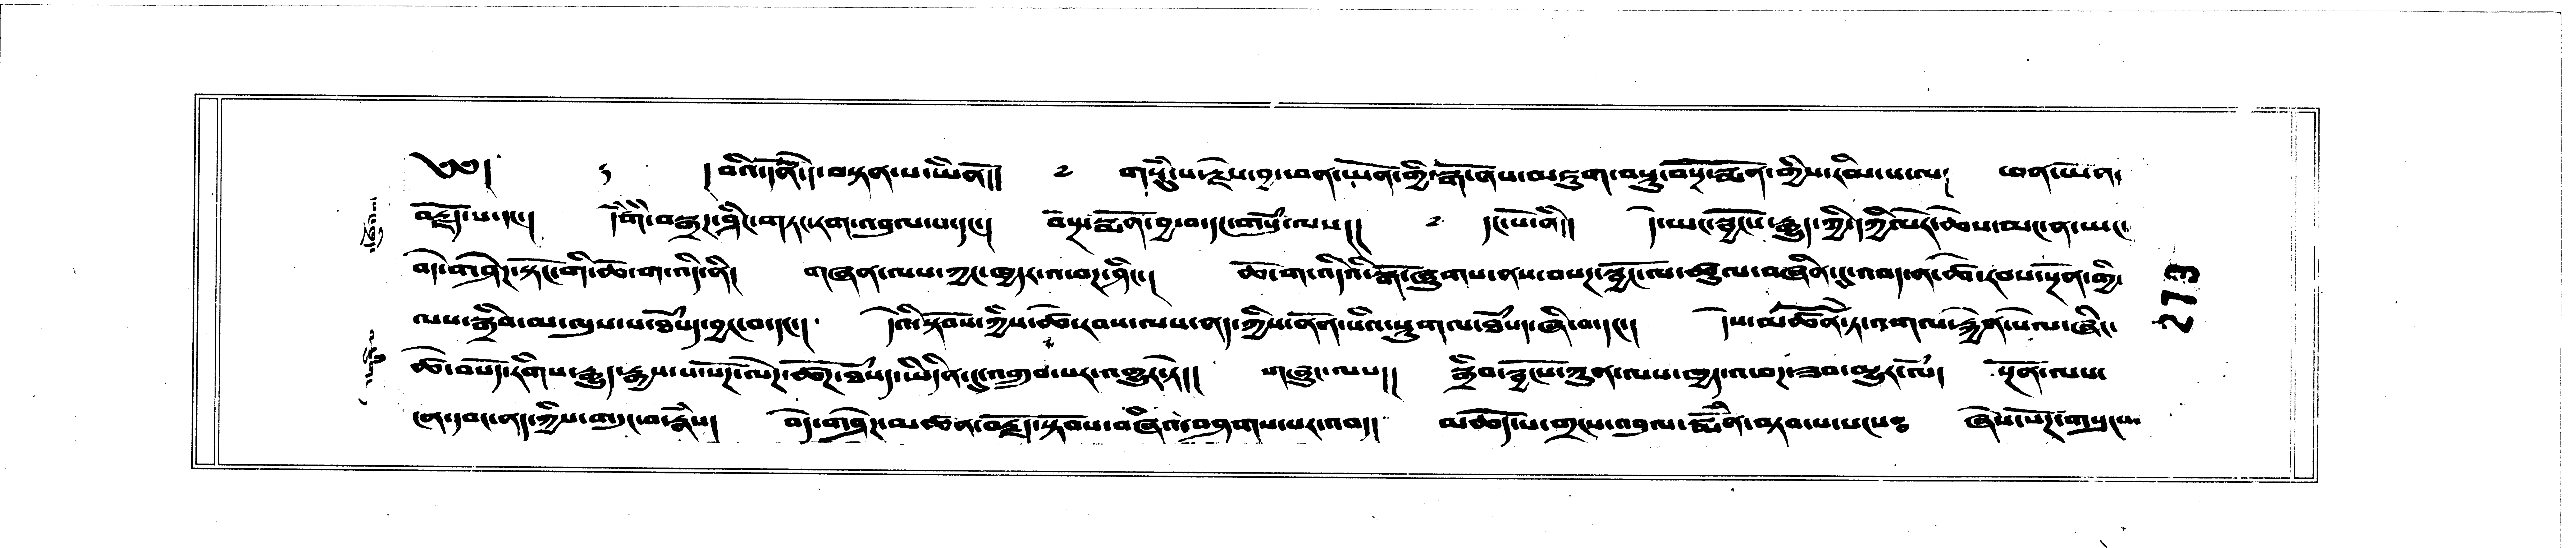བའི་དོན་དེ་བསྟན་པ་ཡིན་ནོ།། གསུམ་པ་རྗེས་བྱ་ཕན་ཡོན་གྱི་སྒོ་ནས་མཇུག་བསྡུ་བསྔོ་སྨོན་གྱི་རིམ་པ་ལ། ཕན་ཡོན་
བརྗོད་པ་དང་། དམ་ཚིག་བསྒྲགས་ཤིང་གཏང་རག་འབུལ་བ་དང་། བསྔོ་སྨོན་བྱ་བ་དང་གསུམ་ལས། དང་པོ་ནི། དེ་ཡང་སྦྱང་རྒྱུད་ཀྱི་དཀྱིལ་འཁོར་ཆེས་མང་ན་ཡང་།
 བདེར་གཤེགས་སྟོང་གི་ཆོ་ག་འདི་ནི། གཞན་ལས་ཀྱང་ཁྱད་པར་འཕགས་ཤིང་། ཆོ་ག་འདིའི་སྒོ་ཞུགས་ནས་བསགས་སྦྱང་ལ་ཚུལ་བཞིན་དུ་འབད་ན་ཚེ་རབས་སྔོན་གྱི་
ལས་སྒྲིབ་མ་ལུས་པ་ཐམས་ཅད་བྱང་བ་དང་། དེའི་སྟོབས་ཀྱིས་ཚེ་རབས་ལས་ནད་ཀྱིས་ནོན་པའི་སྡུག་བསྔལ་ཐམས་ཅད་ཞི་བ་དང་། དེས་མཚོན་ཏེ་འགལ་རྐྱེན་སེལ་ཞིང་
ཚེ་བསོད་རིགས་རྒྱུད་རྒྱས་པ་སོགས་ལེགས་ཚོགས་ཐམས་ཅད་ཡིད་བཞིན་དུ་འགྲུབ་པར་འགྱུར་ཏེ། གཞུང་ལས། སྒྲིབ་སྦྱང་ཀུན་ལས་ཁྱད་འཕགས་ཟབ་མྱུར་ལམ། སྔོན་ལས་
ངན་དབང་ནད་ཀྱིས་གདུང་བ་རྣམས། བདེར་གཤེགས་མཚན་བརྗོད་སྟོབས་བཞིའི་བཤགས་པར་འབད། མཆོད་པ་གྲངས་འབུལ་སྨོན་ལམ་བཏབ་པ་སངས། ཞེས་སོགས་གསུངས་